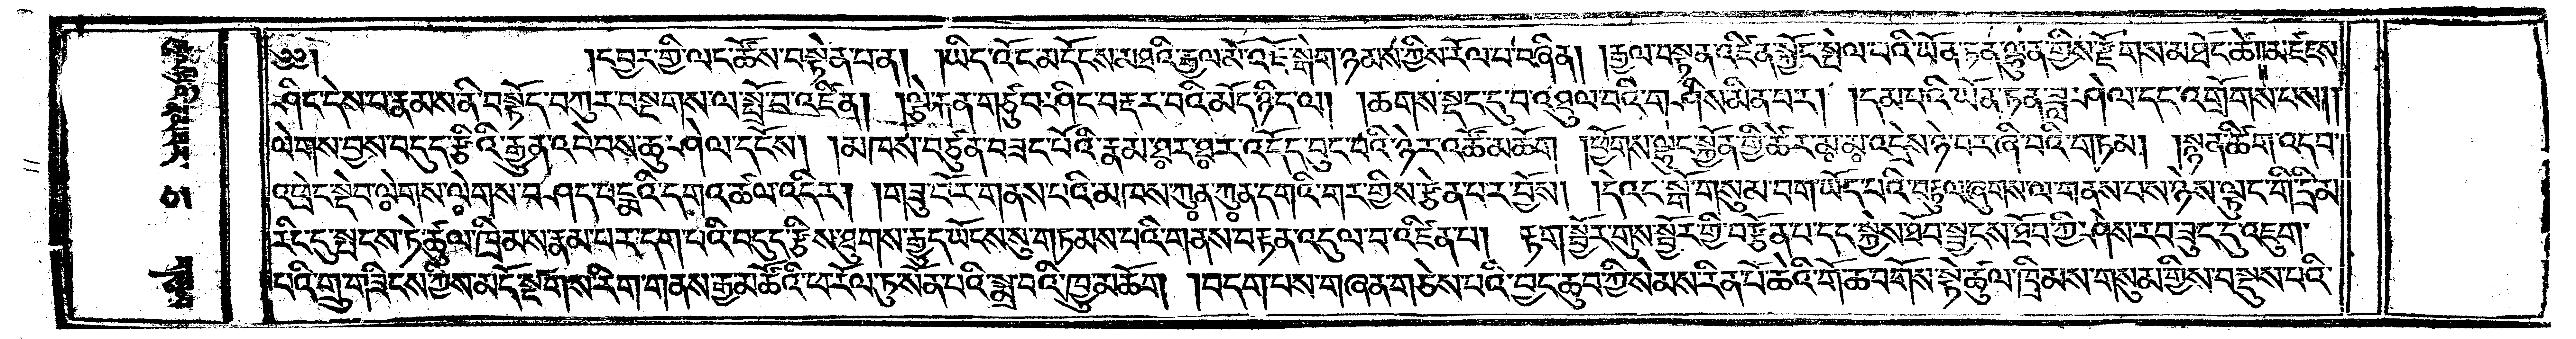༄༅། །དབྱར་གྱི་ལང་ཚོས་བསྟེན་པ་ན། །ཡིད་འོང་མདོངས་མཐའི་རྒྱལ་མོ་འཇོ་སྒེག་ཉམས་ཀྱིས་རོལ་པ་བཞིན། །རྒྱལ་བསྟན་འཛིན་སྐྱོང་སྤེལ་བའི་ཡོན་ཏན་ལྷུན་གྱིས་རྫོགས་མཐོང་ཚེ། །མཛངས་
ཤིང་དེས་པ་རྣམས་ནི་བསྟོད་བཀུར་བསྔགས་ལ་སྤྲོ་བ་འཛིན། །ལྕེ་རྐན་གཙུབ་ཤིང་བརྡར་བའི་མོད་ཉིད་ལ། །ཆགས་སྡང་དུ་བ་འཐུལ་བའི་གཤིས་མིན་པར། །དམ་པའི་ཡོན་ཏན་ཟླ་ཤེལ་དང་འགྲོགས་པས། །
ལེགས་བྱས་བདུད་རྩིའི་རྒྱུན་འབེབས་ཆུ་ཤེལ་དངོས། །མཁས་བཙུན་བཟང་པོའི་རྣམ་ཐར་ཐར་འདོད་བུང་བའི་ཉེར་འཚོ་མཆོག །ཕྱོགས་ལྷུང་སྐྱོན་གྱི་ཚེར་མ་མ་འདྲེས་ཉེ་བར་ཞི་བའི་གཏམ། །སྙན་ཚིག་འདབ་
འཕྲེང་སྡེབ་ལེགས་ལེགས་བཤད་པདམའི་དགའ་ཚལ་འདིར། །གཟུ་བོར་གནས་པའི་མཁས་ཀུན་ཀུན་དགའི་གར་གྱིས་རྩེན་པར་བྱོས། །དེའང་སྒོ་གསུམ་བག་ཡོད་པའི་བརྟུལ་ཞུགས་ལ་གནས་པས་ཉེས་ལྟུང་གི་དྲི་མ་
རིང་དུ་སྤངས་ཏེ་ཚུལ་ཁྲིམས་རྣམ་པར་དག་པའི་བདུད་རྩིས་ཐུགས་རྒྱུད་ཡོངས་སུ་གཏམས་པའི་གནས་བརྟན་འདུལ་བ་འཛིན་པ། རྟག་སྦྱོར་གུས་སྦྱོར་གྱི་བརྩོན་པ་དང་སྐྱེས་ཐོབ་སྦྱངས་ཐོབ་ཀྱི་ཤེས་རབ་ཟུང་དུ་འཇུག་
པའི་གྲུ་གཟིངས་ཀྱིས་མདོ་སྔགས་རིག་གནས་རྒྱ་མཚོའི་ཕ་རོལ་ཏུ་སོན་པའི་སྨྲ་བའི་ཁྱུ་མཆོག །བདག་པས་གཞན་གཅེས་པའི་བྱང་ཆུབ་ཀྱི་སེམས་རིན་པོ་ཆེའི་གོ་ཆ་བགོས་སྟེ་ཚུལ་ཁྲིམས་གསུམ་གྱིས་བསྡུས་པའི་